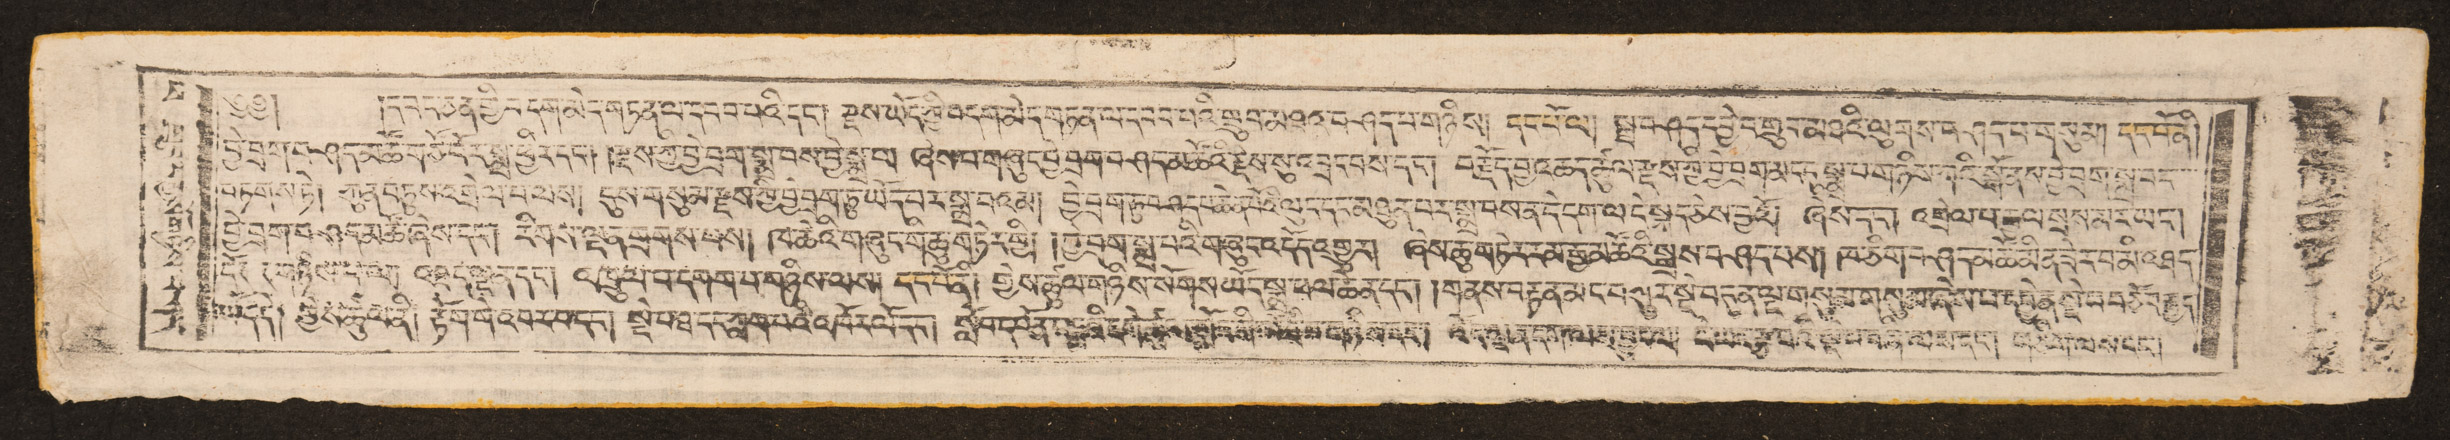༄༅། །དབང་ཅན་གྱི་བདག་མེད་གཏན་ལ་དབབ་པའི་དང་། རྫས་ཡོད་ཀྱི་བདག་མེད་གཏན་ལ་དབབ་པའི་གྲུབ་མཐའ་བཤད་པ་གཉིས། དང་པོ་ལ། སྒྲ་བཤད་དབྱེ་བ་གྲུབ་མཐའི་ལུགས་བཤད་པ་གསུམ། དང་པོ་ནི། བྱེ་
བྲག་བཤད་མཚོ་གཙོ་བོར་སྨྲ་ཕྱིར་དང་། །རྫས་ཀྱི་བྱེ་བྲག་སྨྲ་བས་བྱེ་སྨྲ་པ། །ཞེས་པ་གཞུང་བྱེ་བྲག་བཤད་མཚོའི་རྗེས་སུ་འབྲང་བས་དང་། བརྗོད་བྱ་འཆད་ཚུལ་རྫས་ཀྱི་བྱེ་བྲག་མང་དུ་སྨྲ་པ་གཉིས་ཀའི་སྒོ་ནས་བྱེ་བྲག་སྨྲ་བར་བཏགས་
ཏེ༑ ཀུན་བཏུས་འགྲེལ་པ་ལས། དུས་གསུམ་རྫས་ཀྱི་བྱེ་བྲག་ཏུ་ཡོད་པར་སྨྲ་བའམ། བྱེ་བྲག་ཏུ་བཤད་པ་ཆེན་པོའི་ལུང་དང་མཐུན་པར་སྨྲ་བས་ན་དེ་དག་ལ་དེ་སྐད་ཅེས་བྱའོ། ཞེས་དང་། འགྲེལ་པ་རྒྱལ་སྲས་མར་ཡང་།
བྱེ་བྲག་བཤད་མཚོ་ཞེས་དང་། རིགས་ལྡན་གྲགས་པས། ཁ་ཆེའི་གཞུང་གི་ཆུ་གཏེར་གྱི། །བྱེ་བྲག་སྨྲ་བའི་གཞུང་འདོད་འགྱུར། །ཞེས་ཆུ་གཏེར་རམ་རྒྱ་མཚོའི་སྒྲས་བཤད་པས། ཁ་ཅིག་བཤད་མཚོ་མིན་ཟེར་བ་མི་འཐད་དོ། །
གཉིས་པ་ལ། འཐད་ལྡན་དང་། འཁྲུལ་པ་དགག་པ་གཉིས་ལས། དང་པོ་ནི། གྱེས་ཚུལ་གཉིས་སོགས་ཡོད་སྨྲ་ཕལ་ཆེན་དང་། གནས་བརྟན་མང་བཀུར་སྡེ་བདུན་ལྔ་གསུམ་གསུམ་ཞེས་པ་དབྱེ་ན་སྡེབ་བཅོ་བརྒྱད་
ཡོད་དེ། གྱེས་ཚུལ་ནི། རྟོག་གེ་འབར་བ་དང་། སྡེ་པ་ཐ་དད་ཀླག་པའི་འཁོར་ལོ་དང་། སློབ་དཔོན་པདམའི་དགེ་ཚུལ་སློང་གི་ལོ་དྲི་བ་གཉིས་དང་། འོད་ལྡན་དག་ལས་བྱུང་ལ། དེ་ཡང་རྩ་བའི་སྡེ་པ་བཞི་ལས་དང་། གཅིག་